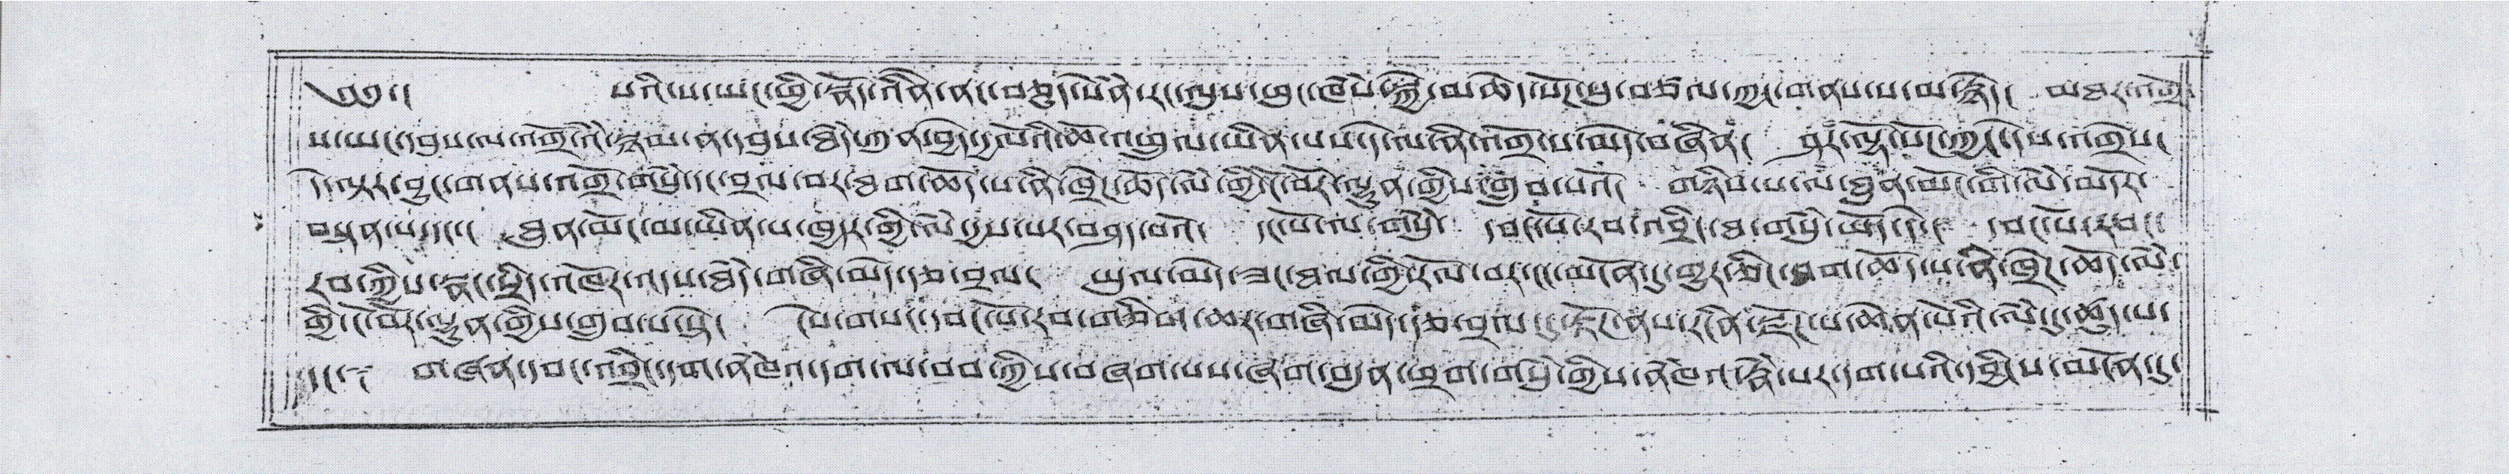པའི་ས་ཡང་ཕྱི་སྣོད་འཇིག་རྟེན་ནང་བཅུད་སེམས་ཅན་རང་ལུས་ཕུང་ཁམས་སྐྱེ་མཆེད་སོགས་སུ་བཙལ་ཀྱང་གནས་ས་མ་རྙེད། མཐར་འགྲོ་
ས་ཡང་དབུས་ལ་འགྲོའམ་སྙམ་ན་དབུས་ཐམས་ཅད་ཀུན་བྱེད་རྒྱལ་པོའི་ཆོ་འཕྲུལ་ཡིན་པས་དེ་ལ་ནི་འགྲོ་ས་མེད་བཞིན། ཤར་ལྷོ་སོགས་ཀྱང་དེས་འགྲེས། 
དེ་ལྟར་བྱུང་གནས་འགྲོ་གསུམ་དང་བྲལ་བར་ཐག་ཆོད་ས་ནི། ཁྲེག་ཆོད་ལམ་གྱི་ངོ་བོར་ལྷུན་གྱིས་གྲུབ་པའོ། །གཉིས་པ་ལ་ཐུན་མོང་གི་ལམ་མདོར་
བསྟན་པ་དང་། ཐུན་མོང་མ་ཡིན་པ་ཁྱད་པར་གྱི་ལམ་རྒྱས་པར་བཤད་པའོ། དང་པོ་གསུམ། དབང་པོ་རབ་འབྲིང་ཐ་གསུམ་ཡོད་དེ། དབང་པོ་
རབ་ཀྱིས་སྣང་སྲིད་འཁོར་འདས་ཐམས་ཅད་གཞི་མེད་རྩ་བྲལ། ཡུལ་མེད་ཟང་ཐལ་གྱི་རོལ་པར་ངང་མངོན་དུ་གྱུར་ཅིང་ཐག་ཆོད་པ་ནི་ཁྲེག་ཆོད་ལམ་
གྱི་ངོ་བོར་ལྷུན་གྱིས་གྲུབ་པ་སྟེ། ངེས་གསང་དབང་པོ་རབ་གཅིག་ཆར་གཞི་མེད་རྩ་བྲལ་དུ་རྟོགས་ནས་རང་བཞིན་རྫོགས་པ་ཆེན་པོའི་ལམ་དུ་ཚུད་པ་
དང་། གཞན་དབང་འབྲིང་དག་ནམ་མཁའ་དག་ལ་བབ་ཀྱིས་བཞག་པས་ཞག་བདུན་ཕྲག་གསུམ་གྱིས་ནམ་མཁའ་རྣམ་པར་དག་པའི་དབྱིངས་མངོན་དུ་